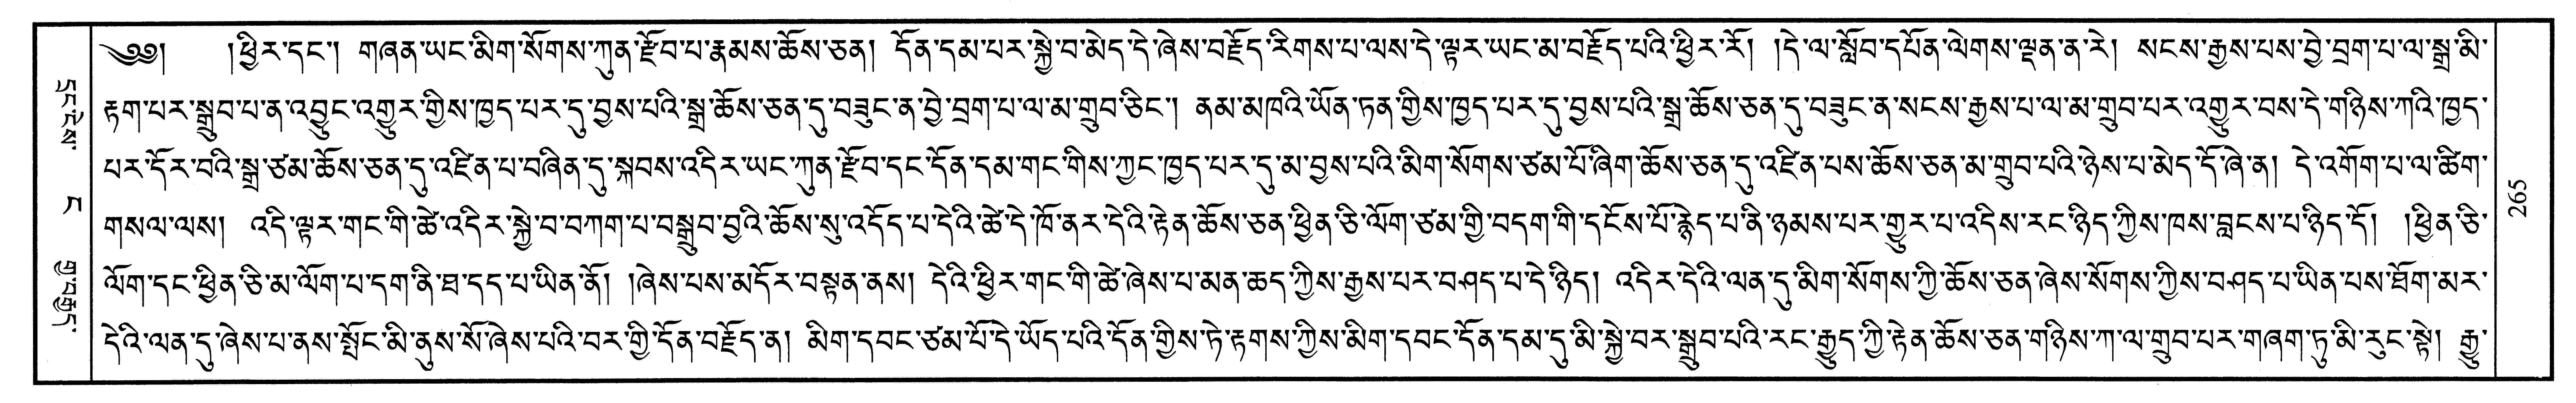༄༅། །ཕྱིར་དང་། གཞན་ཡང་མིག་སོགས་ཀུན་རྫོབ་པ་རྣམས་ཆོས་ཅན། དོན་དམ་པར་སྐྱེ་བ་མེད་དེ་ཞེས་བརྗོད་རིགས་པ་ལས་དེ་ལྟར་ཡང་མ་བརྗོད་པའི་ཕྱིར་རོ། །དེ་ལ་སློབ་དཔོན་ལེགས་ལྡན་ན་རེ། སངས་རྒྱས་པས་བྱེ་བྲག་པ་ལ་སྒྲ་མི་
རྟག་པར་སྒྲུབ་པ་ན་འབྱུང་འགྱུར་གྱིས་ཁྱད་པར་དུ་བྱས་པའི་སྒྲ་ཆོས་ཅན་དུ་བཟུང་ན་བྱེ་བྲག་པ་ལ་མ་གྲུབ་ཅིང་། ནམ་མཁའི་ཡོན་ཏན་གྱིས་ཁྱད་པར་དུ་བྱས་པའི་སྒྲ་ཆོས་ཅན་དུ་བཟུང་ན་སངས་རྒྱས་པ་ལ་མ་གྲུབ་པར་འགྱུར་བས་དེ་གཉིས་ཀའི་ཁྱད་
པར་དོར་བའི་སྒྲ་ཙམ་ཆོས་ཅན་དུ་འཛིན་པ་བཞིན་དུ་སྐབས་འདིར་ཡང་ཀུན་རྫོབ་དང་དོན་དམ་གང་གིས་ཀྱང་ཁྱད་པར་དུ་མ་བྱས་པའི་མིག་སོགས་ཙམ་པོ་ཞིག་ཆོས་ཅན་དུ་འཛིན་པས་ཆོས་ཅན་མ་གྲུབ་པའི་ཉེས་པ་མེད་དོ་ཞེ་ན། དེ་འགོག་པ་ལ་ཚིག་
གསལ་ལས། འདི་ལྟར་གང་གི་ཚེ་འདིར་སྐྱེ་བ་བཀག་པ་བསྒྲུབ་བྱའི་ཆོས་སུ་འདོད་པ་དེའི་ཚེ་དེ་ཁོ་ནར་དེའི་རྟེན་ཆོས་ཅན་ཕྱིན་ཅི་ལོག་ཙམ་གྱི་བདག་གི་དངོས་པོ་རྙེད་པ་ནི་ཉམས་པར་གྱུར་པ་འདིས་རང་ཉིད་ཀྱིས་ཁས་བླངས་པ་ཉིད་དོ། །ཕྱིན་ཅི་
ལོག་དང་ཕྱིན་ཅི་མ་ལོག་པ་དག་ནི་ཐ་དད་པ་ཡིན་ནོ། །ཞེས་པས་མདོར་བསྟན་ནས། དེའི་ཕྱིར་གང་གི་ཚེ་ཞེས་པ་མན་ཆད་ཀྱིས་རྒྱས་པར་བཤད་པ་དེ་ཉིད། འདིར་དེའི་ལན་དུ་མིག་སོགས་ཀྱི་ཆོས་ཅན་ཞེས་སོགས་ཀྱིས་བཤད་པ་ཡིན་པས་ཐོག་མར་
དེའི་ལན་དུ་ཞེས་པ་ནས་སྤོང་མི་ནུས་སོ་ཞེས་པའི་བར་གྱི་དོན་བརྗོད་ན། མིག་དབང་ཙམ་པོ་དེ་ཡོད་པའི་དོན་གྱིས་ཏེ་རྟགས་ཀྱིས་མིག་དབང་དོན་དམ་དུ་མི་སྐྱེ་བར་སྒྲུབ་པའི་རང་རྒྱུད་ཀྱི་རྟེན་ཆོས་ཅན་གཉིས་ཀ་ལ་གྲུབ་པར་གཞག་ཏུ་མི་རུང་སྟེ། རྒྱུ་